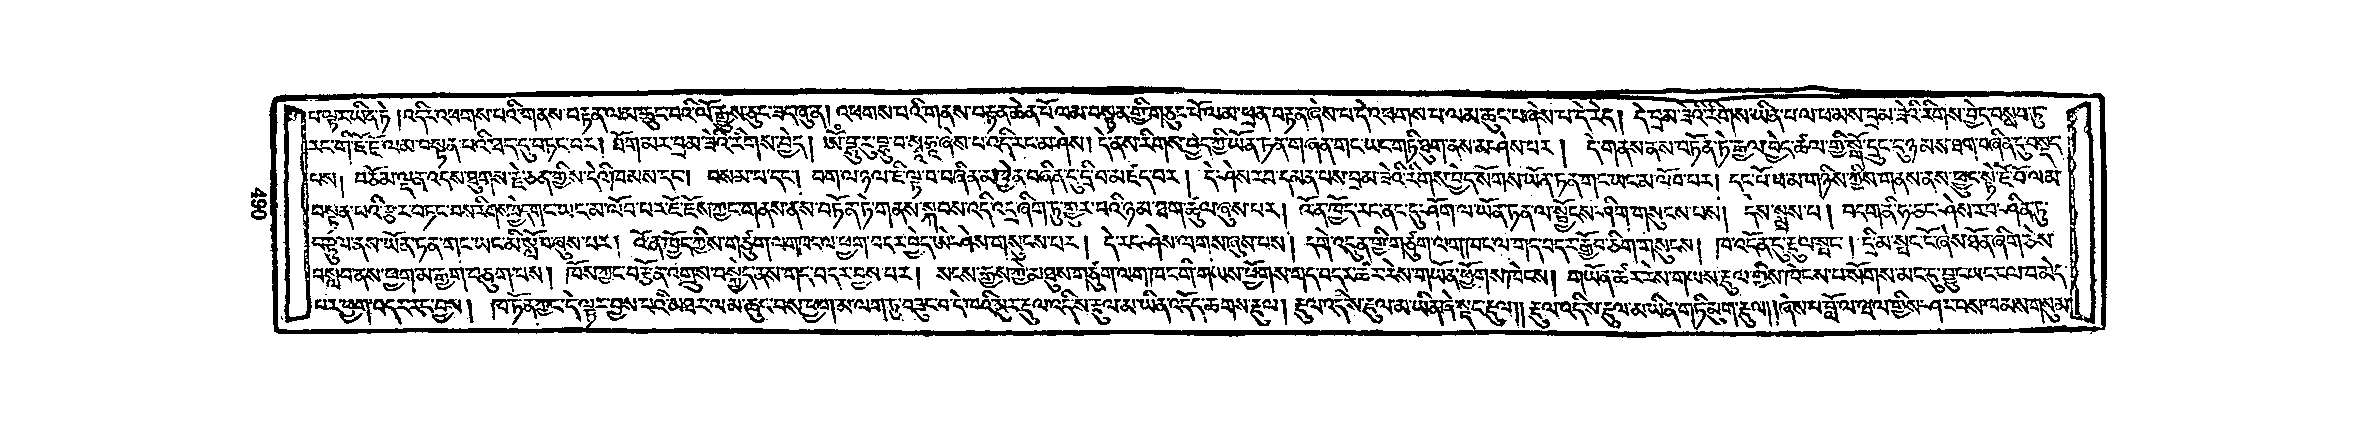པ་ལྟར་ཡིན་ཏེ། འདིར་འཕགས་པའི་གནས་བརྟན་ལམ་ཆུང་བའི་ལོ་རྒྱུས་ཅུང་ཟད་ཞུ་ན། འཕགས་པའི་གནས་བརྟན་ཆེན་པོ་ལམ་བསྟན་གྱི་གཅུང་པོ་ལམ་ཕྲན་བརྟན་ཞེས་པ་དེ་འཕགས་པ་ལམ་ཆུང་པ་ཞེས་པ་དེ་རེད། དེ་བྲམ་ཟེའི་རིགས་ཡིན་པ་ལ་ཕ་མས་བྲམ་ཟེའི་རིགས་བྱེད་བསླབ་ཏུ་
རང་གི་ཇོ་ཇོ་ལམ་བསྟན་པའི་ཐད་དུ་བཏང་བར། ཐོག་མར་བྲམ་ཟེའི་རིགས་བྱེད། ཨོཾ་བྷུ་རུ་བྷུ་བ་སྭཱཧཱ་ཞེས་པ་འདི་རང་མ་ཤེས། དེ་ནས་རིགས་བྱེད་ཀྱི་ཡོན་ཏན་གཞན་གང་ཡང་གཏི་ཐུག་ནས་མ་ཤེས་པར། དེ་གནས་ནས་བཏོན་ཏེ་རྒྱལ་བྱེད་ཚལ་གྱི་སྒོ་དྲུང་དུ་ཉམས་ཐག་བཞིན་དུ་བསྡད་
པས། བཅོམ་ལྡན་འདས་ཐུགས་རྗེ་ཅན་གྱིས་དེའི་ཁམས་དང་། བསམ་པ་དང་། བག་ལ་ཉལ་ཇི་ལྟ་བ་བཞིན་མཁྱེན་བཞིན་དུ་དྲི་བ་མཛད་པར། དེ་ཤེས་རབ་དམན་པས་བྲམ་ཟེའི་རིགས་བྱེད་སོགས་ཡོན་ཏན་གང་ཡང་མ་ལོབ་པར། དང་པོ་ཕ་མ་གཉིས་ཀྱིས་གནས་ནས་ཕྱུང་སྟེ་ཇོ་བོ་ལམ་
བསྟན་པའི་རྩར་བཏང་བས་རིགས་བྱེད་གང་ཡང་མ་ལོབ་པར་ཇོ་ཇོས་ཀྱང་གནས་ནས་བཏོན་ཏེ་གནས་སྐབས་འདི་འདྲ་ཞིག་ཏུ་གྱུར་པའི་ཉམ་ཐག་ཚུལ་ཞུས་པར། འོ་ན་ཁྱོད་རང་ནང་དུ་ཤོག་ལ་ཡོན་ཏན་ལ་སྦྱོངས་ཤིག་གསུངས་པས། དེས་སྨྲས་པ། བདག་ནི་ཧ་ཅང་ཤེས་རབ་ཤིན་ཏུ་
བརྟུལ་ནས་ཡོན་ཏན་གང་ཡང་མི་སློབ་ཞུས་པར། འོ་ན་ཁྱོད་ཀྱིས་གཙུག་ལག་ཁང་ལ་ཕྱག་བདར་བྱེད་ཨེ་ཤེས་གསུངས་པར། དེ་རང་ཤེས་ལགས་ཞུས་པས། དགེ་འདུན་གྱི་གཙུག་ལག་ཁང་ལ་གད་བདར་རྒྱོབ་ཅིག་གསུངས། ཁ་འདོན་དུ་རྡུལ་སྤང་། དྲི་མ་སྤང་ངོ་ཞེས་ཐོན་ཞིག་ཅེས་
བསླབ་ནས་ཕྱག་མ་རྒྱག་བཅུག་པས། ཁོས་ཀྱང་བརྩོན་འགྲུས་བསྐྱེད་ནས་གད་བདར་བྱས་པར། སངས་རྒྱས་ཀྱི་མཐུས་གཙུག་ལག་ཁང་གི་གཡས་ཕྱོགས་གད་བདར་ཚར་རེས་གཡོན་ཕྱོགས་ཁེངས། གཡོན་ཚར་རེས་གཡས་རྡུལ་གྱིས་ཁེངས་པ་སོགས་མང་དུ་བྱུང་ཡང་ངལ་བ་མེད་
པར་ཕྱག་བདར་རང་བྱས། ཁ་ཏོན་ཀྱང་དེ་ལྟར་བྱས་པའི་མཐར་ལམ་ཆུང་བས་ཕྱག་མ་ལག་ཏུ་བཟུང་བ་དེ་ཁའི་མུར་རྡུལ་འདི་ས་རྡུལ་མ་ཡིན་འདོད་ཆགས་རྡུལ། རྡུལ་འདི་ས་རྡུལ་མ་ཡིན་ཞེ་སྡང་རྡུལ། །རྡུལ་འདི་ས་རྡུལ་མ་ཡིན་གཏི་མུག་རྡུལ། །ཞེས་པ་བློ་ལ་ཝལ་གྱིས་ཤར་བས་ཁམས་གསུམ་